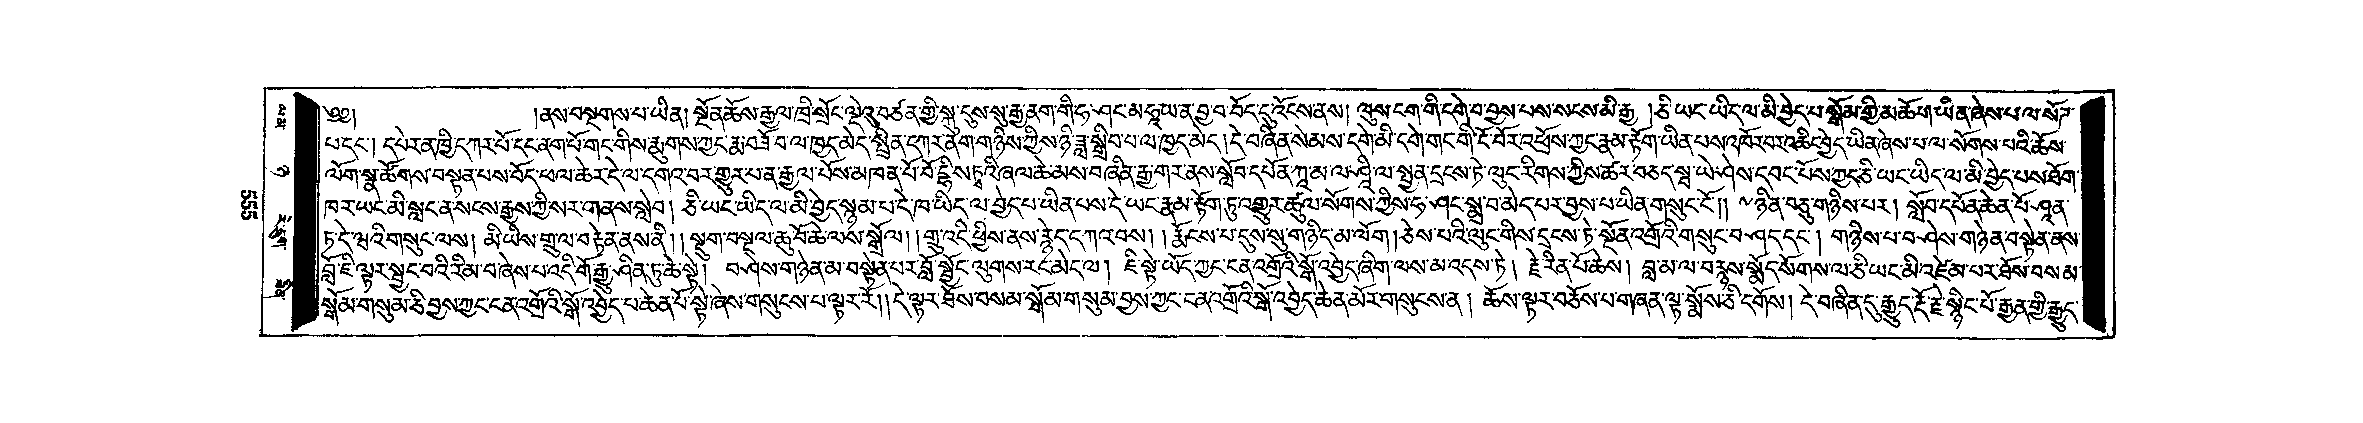༄༅། །ནས་བསྔགས་པ་ཡིན། སྔོན་ཆོས་རྒྱལ་ཁྲི་སྲོང་ལྡེའུ་བཙན་གྱི་སྐུ་དུས་སུ་རྒྱ་ནག་གི་ཧ་ཤང་མཧཱ་ཡ་ན་བྱ་བ་བོད་དུ་འོངས་ནས། ལུས་ངག་གི་དགེ་བ་བྱས་པས་སངས་མི་རྒྱ། ཅི་ཡང་ཡིད་ལ་མི་བྱེད་པ་སྒོམ་གྱི་མཆོག་ཡིན་ཞེས་པ་ལ་སོགས་
པ་དང་། དཔེར་ན་ཁྱི་དཀར་པོ་དང་ནག་པོ་གང་གིས་རྨུགས་ཀྱང་རྨ་བཟོ་བ་ལ་ཁྱད་མེད་སྤྲིན་དཀར་ནག་གཉིས་ཀྱིས་ཉི་ཟླ་སྒྲིབ་པ་ལ་ཁྱད་མེད། དེ་བཞིན་སེམས་དགེ་མི་དགེ་གང་གི་ངོ་བོར་འཕྲོས་ཀྱང་རྣམ་རྟོག་ཡིན་པས་འཁོར་བར་འཆིང་བྱེད་ཡིན་ཞེས་པ་ལ་སོགས་པའི་ཆོས་
ལོག་སྣ་ཚོགས་བསྟན་པས་བོད་ཕལ་ཆེར་དེ་ལ་དགའ་བར་གྱུར་པ་ན་རྒྱལ་པོས་མཁན་པོ་བོ་དྷི་སཏྭའི་ཞལ་ཆེ་མས་བཞིན་རྒྱ་གར་ནས་སློབ་དཔོན་ཀཱ་མ་ལ་ཤཱི་ལ་སྤྱན་དྲངས་ཏེ་ལུང་རིགས་ཀྱིས་ཚར་བཅད་སྦ་ཡེ་ཤེས་དབང་པོས་ཀྱང་ཅི་ཡང་ཡིད་ལ་མི་བྱེད་པས་ཐོག་
ཁར་ཡང་མི་སླང་ན་སངས་རྒྱས་ཀྱི་སར་གནས་སླེབ། ཅི་ཡང་ཡིད་ལ་མི་བྱེད་སྙམ་པ་དེ་ཁ་ཡིད་ལ་བྱེད་པ་ཡིན་པས་དེ་ཡང་རྣམ་རྟོག་ཏུ་འགྱུར་ཚུལ་སོགས་ཀྱིས་ཧ་ཤང་སྨྲ་བ་མེད་པར་བྱས་པ་ཡིན་གསུང་ངོ། །༧་ཉིན་བཅུ་གཉིས་པར། སློབ་དཔོན་ཆེན་པོ་ཤཱན་
ཏ་དེ་ཝའི་གསུང་ལས། མི་ཡིས་གྲུ་ལ་བརྟེན་ནས་ནི། །སྡུག་བསྔལ་ཆུ་བོ་ཆེ་ལས་སྒྲོལ། །གྲུ་འདི་ཕྱིས་ནས་རྙེད་དཀའ་བས། །རྨོངས་པ་དུས་སུ་གཉིད་མ་ལོག །ཅེས་པའི་ལུང་གིས་དྲངས་ཏེ་སྔོན་འགྲོའི་གསུང་བཤད་དང་། གཉིས་པ་བཤེས་གཉེན་བསྟེན་ནས་
བློ་ཇི་ལྟར་སྦྱང་བའི་རིམ་པ་ཞེས་པ་འདི་གོ་རྒྱུ་ཤིན་ཏུ་ཆེ་སྟེ། བཤེས་གཉེན་མ་བསྟེན་པར་བློ་སྦྱོང་ལུགས་རང་མེད་ལ། ཇི་སྟེ་ཡོད་ཀྱང་ངན་འགྲོའི་སྒོ་འབྱེད་ཞིག་ལས་མ་འདས་ཏེ། རྗེ་རིན་པོ་ཆེས། བླ་མ་ལ་བརྙས་སྨོད་སོགས་ལ་ཅི་ཡང་མི་འཛེམ་པར་ཐོས་བསམ་
སྒོམ་གསུམ་ཅི་བྱས་ཀྱང་ངན་འགྲོའི་སྒོ་འབྱེད་པ་ཆེན་པོ་སྟེ་ཞེས་གསུངས་པ་ལྟར་རོ། །དེ་ལྟར་ཐོས་བསམ་སྒོམ་གསུམ་བྱས་ཀྱང་ངན་འགྲོའི་སྒོ་འབྱེད་ཆེན་མོར་གསུངས་ན། ཆོས་ལྟར་བཅོས་པ་གཞན་ལྟ་སྨོས་ཅི་དགོས། དེ་བཞིན་དུ་རྒྱུད་རྡོ་རྗེ་སྙིང་པོ་རྒྱན་གྱི་རྒྱུད་